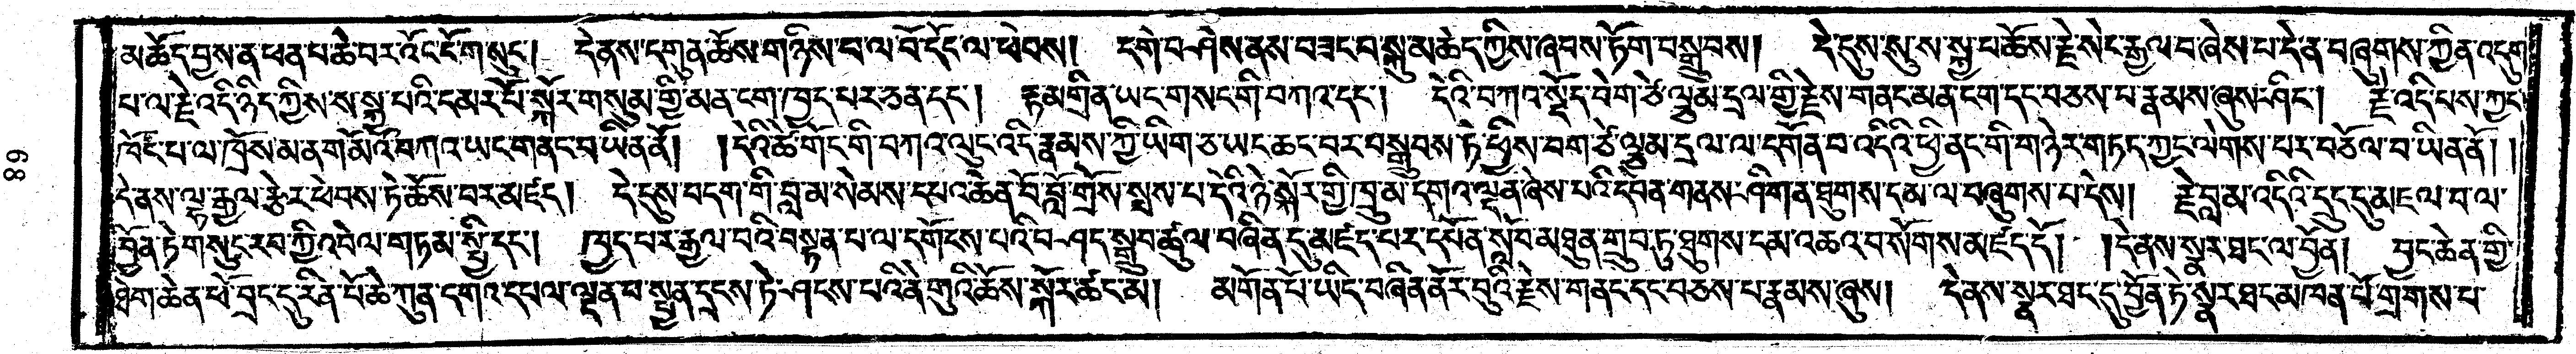མཆོད་བྱས་ན་ཕན་པ་ཆེ་བར་འོང་ངོ་གསུང་། དེ་ནས་དགུན་ཆོས་གཉིས་པ་ལ་བོ་དོང་ལ་ཕེབས། དགེ་བཤེས་ནས་བཟང་བ་སྐུ་མཆེད་ཀྱིས་ཞབས་ཏོག་བསྒྲུབས། དེ་དུས་སུ་ས་སྐྱ་པ་ཆོས་རྗེ་སེང་རྒྱལ་བ་ཞེས་པ་དེ་ན་བཞུགས་ཀྱིན་འདུག་
པ་ལ་རྗེ་འདི་ཉིད་ཀྱིས་ས་སྐྱ་པའི་དམར་པོ་སྐོར་གསུམ་གྱི་མན་ངག་ཁྱད་པར་ཅན་དང་། རྟ་མགྲིན་ཡང་གསང་གི་བཀའ་དང་། དེའི་བཀའ་སྡོད་བེག་ཙེ་ལྕམ་དྲལ་གྱི་རྗེས་གནང་མན་ངག་དང་བཅས་པ་རྣམས་ཞུས་ཤིང་། རྗེ་འདི་པས་ཀྱང་
ཁོང་པ་ལ་ཁྲོས་མ་ནག་མོའི་བཀའ་ཡང་གནང་བ་ཡིན་ནོ། །དེའི་ཚེ་གོང་གི་བཀའ་ལུང་འདི་རྣམས་ཀྱི་ཡིག་ཅ་ཡང་ཆང་བར་བསྒྲུབ་ཏེ་ཕྱིས་བག་ཙེ་ལྕམ་དྲལ་ལ་དགོན་པ་འདིའི་ཕྱི་ནང་གི་གཉེར་གཏད་ཀྱང་ལེགས་པར་བཅོལ་བ་ཡིན་ནོ། །
དེ་ནས་ལྷ་རྒྱལ་རྩེར་ཕེབས་ཏེ་ཆོས་བར་མཛད། དེ་དུས་བདག་གི་བླ་མ་སེམས་དཔའ་ཆེན་པོ་བློ་གྲོས་སྤས་པ་དེའི་ཉེ་སྐོར་གྱི་ཁྲུ་མ་དགའ་ལྡན་ཞེས་པའི་དབེན་གནས་ཤིག་ན་ཐུགས་དམ་ལ་བཞུགས་པ་དེས། རྗེ་བླ་མ་འདིའི་དྲུང་དུ་མཇལ་བ་ལ་
བྱོན་ཏེ་གསུང་རབ་ཀྱི་འབེལ་གཏམ་སྤྱི་དང་། ཁྱད་པར་རྒྱལ་བའི་བསྟན་པ་ལ་དགོངས་པའི་བཤད་སྒྲུབ་ཚུལ་བཞིན་དུ་མཛད་པར་དཔོན་སློབ་མཐུན་གྲུབ་ཏུ་ཐུགས་དམ་འཆའ་བ་སོགས་མཛད་དོ། །དེ་ནས་སྣར་ཐང་ལ་བྱོན། བྱང་ཆེན་གྱི་
ཐེག་ཆེན་ཕོ་བྲང་དུ་རིན་པོ་ཆེ་ཀུན་དགའ་དཔལ་ལྡན་པ་སྤྱན་དྲངས་ཏེ་ཤངས་པའི་ནེ་གུའི་ཆོས་སྐོར་ཚང་མ། མགོན་པོ་ཡིད་བཞིན་ནོར་བུའི་རྗེས་གནང་དང་བཅས་པ་རྣམས་ཞུས། དེ་ནས་སྣར་ཐང་དུ་བྱོན་ཏེ་སྣར་ཐང་མཁན་པོ་གྲགས་པ་